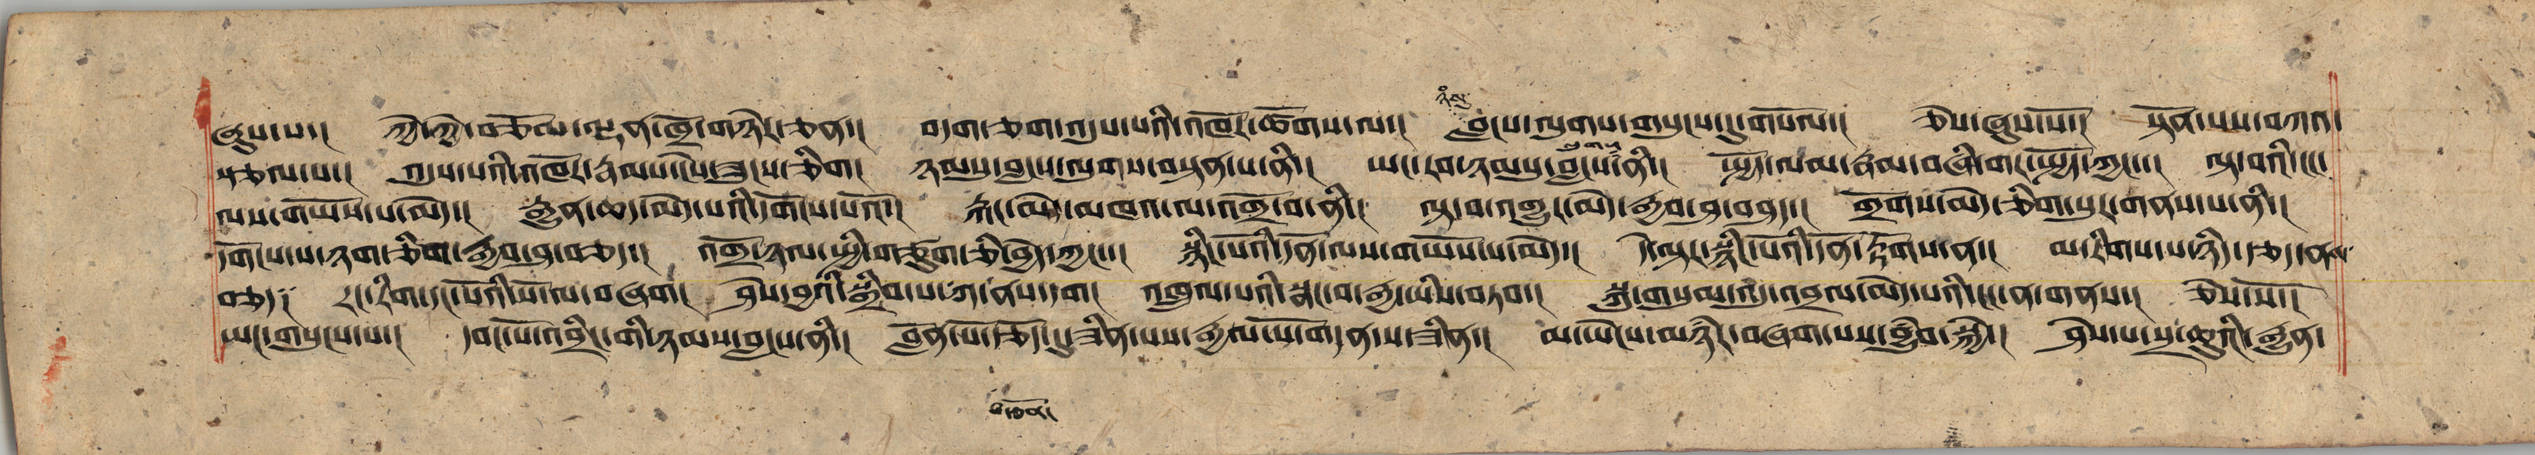ཞུས་པ་། ཀྱེ་ཀྱེ་བཅོམ་ལྡན་ཁྲོ་གཉེར་ཅན་། བདག་ཅག་འདུས་པའི་འཁོར་ཚོགས་ལ་། བླངས་ལུགས་གསུངས་དུ་གསོལ་། ཅེས་ཞུས་སོ་། སྟོན་པས་བཀའ་
སྩལ་པ་། འདུས་པའི་འཁོར་རྣམས་ངེས་ཟུངས་ཅིག། ཉམསུ་བླངས་ལུགས་བསྟན་པ་ནི་། ཡང་རབ་ཉམསུ་བླངས་ལུགས་ནི་། སྤྱོད་ལམ་རྣམ་བཞི་གར་སྤྱོད་ཀྱང་་། ལྟ་བའི་ངང་
ལས་གཡོས་པ་མེད་། རྒྱུན་ཆད་མེད་པའི་དགོངས་པའོ་། རྐང་མེད་མཁའ་ལ་འགྲོ་བ་ནི་། ལྟ་བ་འགྱུར་མེད་རྒྱབ་ཤ་བཤད་། གྲོགས་མེད་ཅིག་པུར་གནས་པ་ནི་།
དགོངས་པ་ཉག་ཅིག་རྒྱབ་ཤ་བཅད་། འགྲོ་ཉལ་སྤྱི་གཙུག་ཅི་བྱེད་ཀྱང་་། སྙིང་པོའི་དོན་ལས་གཡོས་པ་མེད་། དེ་ལྟར་སྙིང་པོའི་དོན་རྟོགས་ན་། མ་རིག་པ་ཉིད་རྩད་ནས
བཅད༑ རང་རིག་དང་པོའི་སོ་ལ་བཞག། ཤེས་བྱའི་སྒྲིབ་པ་ཀ་ནས་དག། འཁྲུལ་པའི་སྣང་བ་རྒྱ་ཡིས་བཏབ་། སྐུ་གསུམ་འདུ་འབྲལ་མེད་པའི་ངང་ན་གནས་། ཅེས་སོ་།
ཡང་གསུངས་པ་། དབང་པོ་འབྲིང་གི་ཉམས་བླངས་ནི་། བློན་པོ་རྩོད་དུ་ཟིན་པས་རྒྱལ་པོ་གདན་ས་ཟིན་། མ་ཡེངས་མཉཾར་བཞག་པས་བྱུཾབ་སྐྱེ་། ཤེས་པ་སྲ་ཆུའི་རྒྱུན་